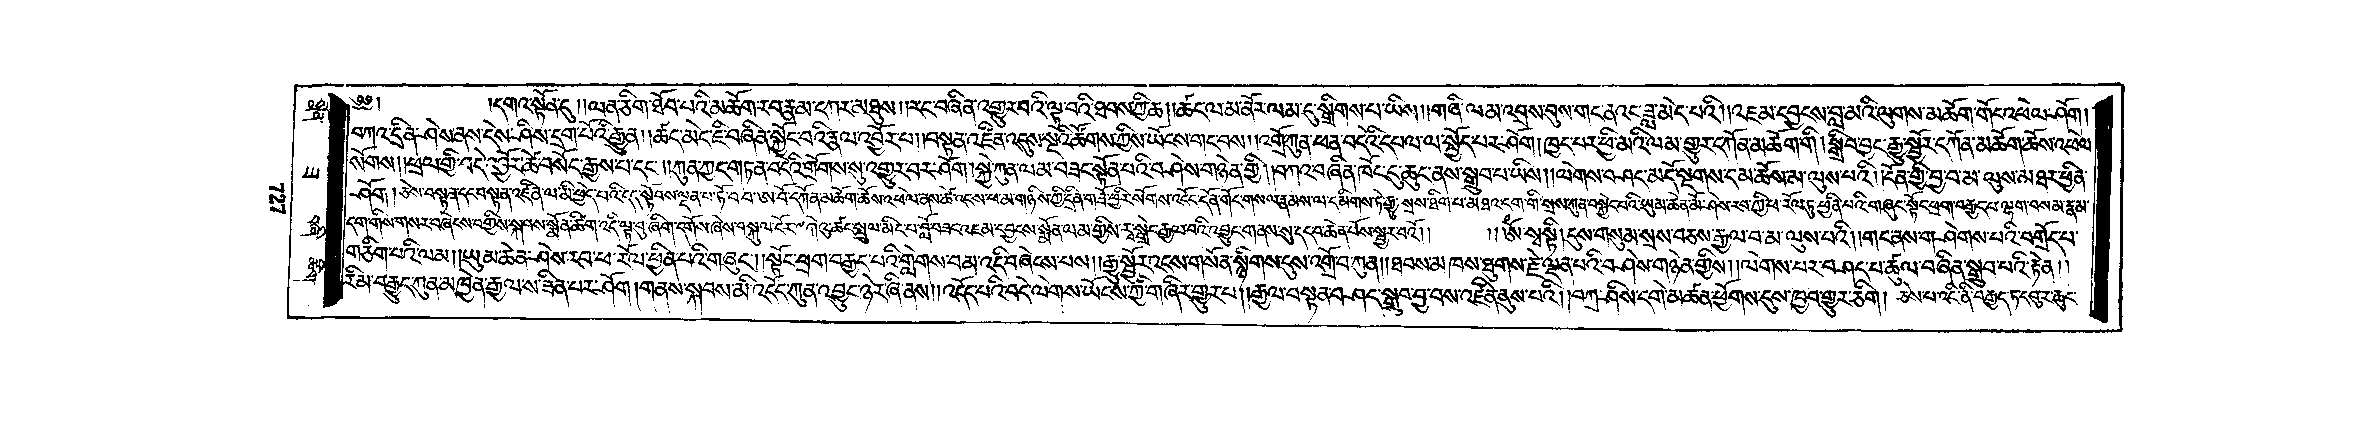༄༅། །དགའ་སྟོན་དུ། །ལན་ཅིག་ཐོབ་པའི་མཆོག་རབ་རྣམ་དཀར་མཐུས། །རང་བཞིན་འགྱུར་བའི་ལྟ་བའི་ཐབས་ཀྱི་ཆ། །ཚང་ལ་མ་ནོར་ལམ་དུ་སྒྲིགས་པ་ཡིས། །གཞི་ལམ་འབྲས་བུས་གང་ནའང་ཟླ་མེད་པའི། །འཇམ་དབྱངས་བླ་མའི་ལུགས་མཆོག་གོང་འཕེལ་ཤོག །
བཀའ་དྲིན་ཤེས་ནས་དེས་ཤིས་དྲག་པོའི་རྒྱུན། །ཚད་མེད་ཇི་བཞིན་སྐྱོང་བའི་རྣལ་འབྱོར་པ། །བསྟན་འཛིན་འདུས་སྡེའི་ཚོགས་ཀྱིས་ཡོངས་གང་བས། །འགྲོ་ཀུན་ཕན་བདེའི་དཔལ་ལ་སྤྱོད་པར་ཤོག །ཁྱད་པར་ཕྱི་མའི་ལམ་གྱུར་དཀོན་མཆོག་གི །སྒྲིབ་བྱང་རྒྱུ་སྦྱོར་དཀོན་མཆོག་ཆོས་འཕེལ་
སོགས། །ཕྲལ་གྱི་བདེ་འབྱོར་ཚེ་བསོད་རྒྱས་པ་དང་། །ཀུན་ཀྱང་གཏན་བདེའི་གྲོགས་སུ་འགྱུར་བར་ཤོག །སྐྱེ་ཀུན་ལམ་བཟང་སྟོན་པའི་བཤེས་གཉེན་གྱི། །བཀའ་བཞིན་ཁོང་དུ་ཆུང་ནས་སྒྲུབ་པ་ཡིས། །ལེགས་བཤད་མདོ་སྔགས་དམ་ཆོས་མ་ལུས་པའི། །དོན་གྱི་བྱ་བ་མ་ལུས་མཐར་ཕྱིན་
ཤོག །ཅེས་བསྟན་དང་བསྟན་འཛིན་ལ་མི་ཕྱེད་པའི་དད་སྟོབས་ལྡན་པ་ཏོ་བབ་ཨ་བོ་དཀོན་མཆོག་ཆོས་འཕེལ་ནས་ཚེ་འདས་ཕ་མ་གཉིས་ཀྱི་དྲིན་གཟོ་ཕྱིར་སོགས་འདོད་དོན་གོང་གསལ་རྣམས་ལ་དམིགས་ཏེ་རྒྱུ་སྲས་ཐིག་པ་མཐའ་དག་གི་སྲས་ཀུན་བསྐྱེད་པའི་ཡུམ་ཆེན་མོ་ཤེས་རབ་ཀྱི་ཕ་རོལ་ཏུ་ཕྱིན་པའི་གཞུང་སྟོང་ཕྲག་བརྒྱད་པ་ལྷག་བསམ་རྣམ་
དག་གིས་གསར་བཞེངས་བགྱིས་སྐབས་སྨོན་ཚིག་འདི་ལྟ་བུ་ཞིག་དགོས་ཞེས་བསྐུལ་ངོར་ཀེའུ་ཚང་སྤྲུལ་མིང་པ་བློ་བཟང་འཇམ་དབྱངས་སྨོན་ལམ་གྱིས་རྭ་སྒྲེང་རྒྱལ་བའི་འབྱུང་གནས་སུ་དད་པ་ཆེན་པོས་སྦྱར་བའོ།། །།༈ ཨོཾ་སྭ་སྟི། དུས་གསུམ་སྲས་བཅས་རྒྱལ་བ་མ་ལུས་པའི། །གང་ནས་གཤེགས་པའི་བགྲོད་པ་
གཅིག་པའི་ལམ། །ཡུམ་ཆེན་ཤེས་རབ་ཕ་རོལ་ཕྱིན་པའི་གཞུང་། །སྟོང་ཕྲག་བརྒྱད་པའི་གླེགས་བམ་འདི་བཞེངས་པས། །རྒྱུ་སྦྱོར་འདས་གསོན་སྙིགས་དུས་འགྲོ་བ་ཀུན། །ཐབས་མཁས་ཐུགས་རྗེ་ལྡན་པའི་བཤེས་གཉེན་གྱིས། །ལེགས་པར་བཤད་པ་ཚུལ་བཞིན་སྒྲུབ་པའི་རྟེན། །
རིམ་བརྒྱུད་ཀུན་མཁྱེན་རྒྱལ་ས་ཟིན་པར་ཤོག །གནས་སྐབས་མི་འདོད་ཀུན་འབྱུང་ཉེར་ཞི་ནས། །འདོད་པའི་བདེ་ལེགས་ཡོངས་ཀྱི་གཞིར་གྱུར་པ། །རྒྱལ་བསྟན་བཤད་སྒྲུབ་བྱ་བས་འཛིན་ནུས་པའི། །བཀྲ་ཤིས་དགེ་མཚན་ཕྱོགས་དུས་ཁྱབ་གྱུར་ཅིག །ཅེས་པ་འདི་ནི་བརྒྱད་ཏ་དབུ་ར་ཆུང་